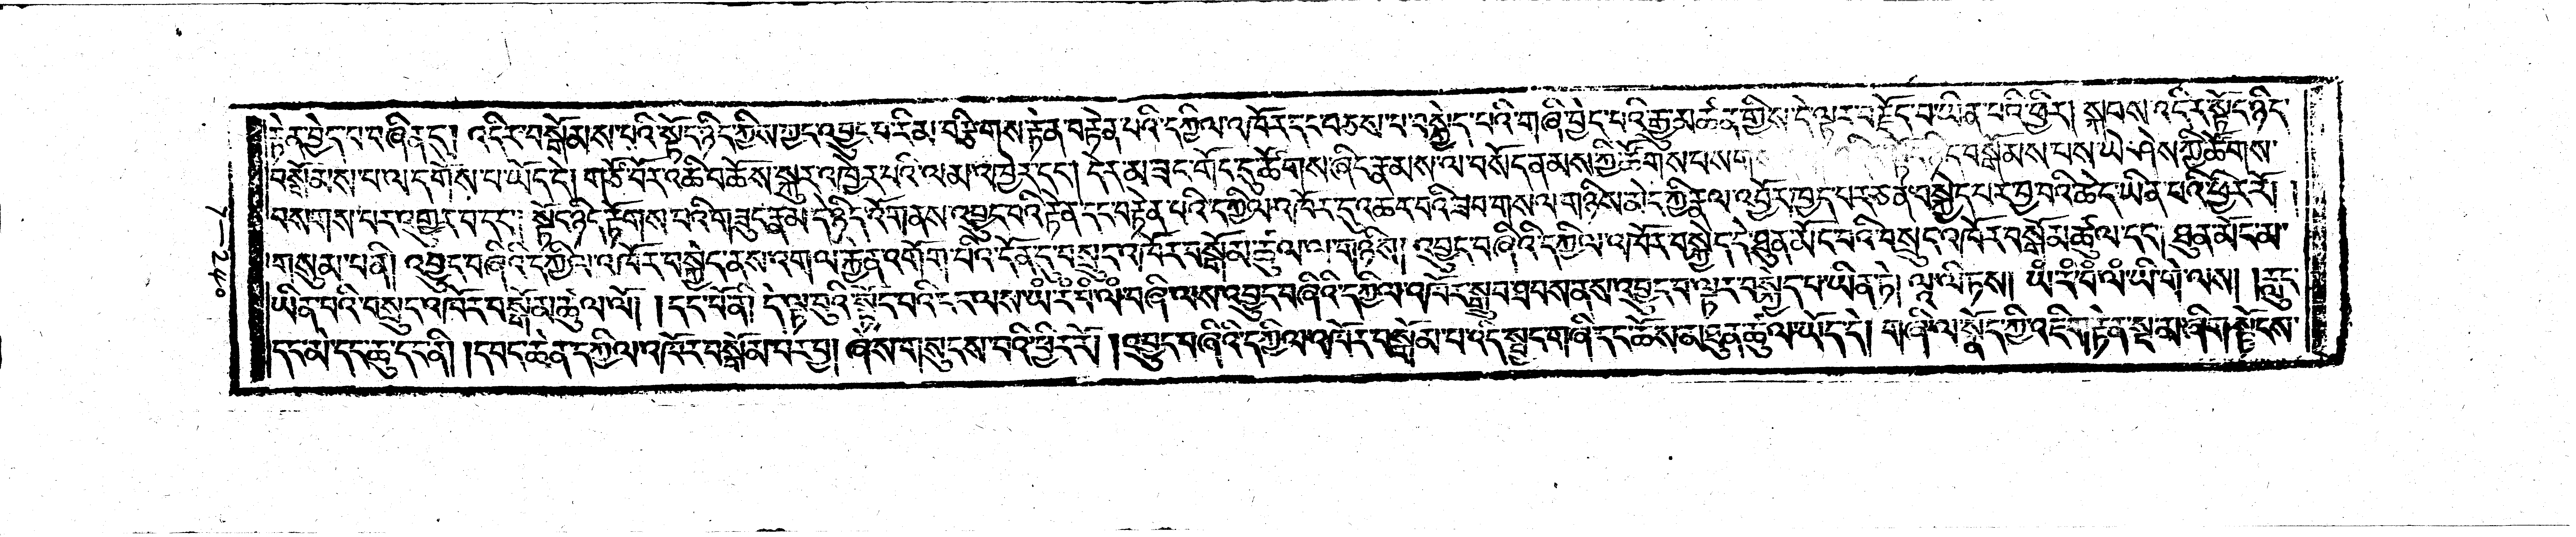རྟེན་བྱེད་པ་བཞིན་དུ། འདིར་བསྒོམས་པའི་སྟོང་ཉིད་ཀྱིས་ཀྱང་འབྱུང་བ་རིམ་བརྩེགས་རྟེན་བརྟེན་པའི་དཀྱིལ་འཁོར་དང་བཅས་པ་བསྐྱེད་པའི་གཞི་བྱེད་པའི་རྒྱུ་མཚན་གྱིས་དེ་ལྟར་བརྗོད་པ་ཡིན་པའི་ཕྱིར། སྐབས་འདིར་སྟོང་ཉིད་
བསྒོམས་པ་ལ་དགོས་པ་ཡོད་དེ། གཙོ་བོར་འཆི་བ་ཆོས་སྐུར་འཁྱེར་བའི་ལམ་འཁྱེར་དང་། དེར་མ་ཟད་གོང་དུ་ཚོགས་ཞིང་རྣམས་ལ་བསོད་ནམས་ཀྱི་ཚོགས་བསགས་ནས། འདིར་སྟོང་ཉིད་བསྒོམས་པས་ཡེ་ཤེས་ཀྱི་ཚོགས་
བསགས་པར་འགྱུར་བ་དང་། སྟོང་ཉིད་རྟོགས་པའི་གཟུང་རྣམ་དེ་ཉིད་འོག་ནས་འབྱུང་བའི་རྟན་དང་བརྟེན་པའི་དཀྱིལ་འཁོར་དུ་འཆར་བའི་ཟབ་གསལ་གཉིས་མེད་ཀྱི་རྣལ་འབྱོར་ཁྱད་པར་ཅན་བསྐྱེད་པར་བྱ་བའི་ཆེད་ཡིན་པའི་ཕྱིར་རོ། །
གསུམ་པ་ནི། འབྱུང་བཞིའི་དཀྱིལ་འཁོར་བསྐྱེད་ནས་འགལ་རྐྱེན་འགོག་པའི་དོན་དུ་བསྲུང་འཁོར་བསྒོམ་ཚུལ་ལ་གཉིས། འབྱུང་བཞིའི་དཀྱིལ་འཁོར་བསྐྱེད་དེ་ཐུན་མོང་བའི་བསྲུང་འཁོར་བསྒོམ་ཚུལ་དང་། ཐུན་མོང་མ་
ཡིན་པའི་བསྲུང་འཁོར་བསྒོམ་ཚུལ་ལོ། །དང་པོ་ནི། དེ་ལྟ་བུའི་སྟོང་པའི་ངང་ལས་ཡཾ་རཾ་བཾ་ལཾ་བཞི་ལས་འབྱུང་བཞིའི་དཀྱིལ་འཁོར་སྒྲུབ་ཐབས་ནས་འབྱུང་བ་ལྟར་བསྐྱེད་པ་ཡིན་ཏེ། ལཱ་ལི་ཏས། ཡཾ་རཾ་བཾ་ལཾ་ཡི་གེ་ལས། །རླུང་
དང་མེ་དང་ཆུ་དང་ནི། །དབང་ཆེན་དཀྱིལ་འཁོར་བསྒོམ་བར་བྱ། ཞེས་གསུངས་པའི་ཕྱིར་རོ། །འབྱུང་བཞིའི་དཀྱིལ་འཁོར་བསྒོམ་པ་འདི་སྦྱང་གཞི་དང་ཆོས་མཐུན་ཚུལ་ཡོད་དེ། གཞི་ལ་སྣོད་ཀྱི་འཇིག་རྟེན་སྔ་མ་ཞིག་སྟོངས་